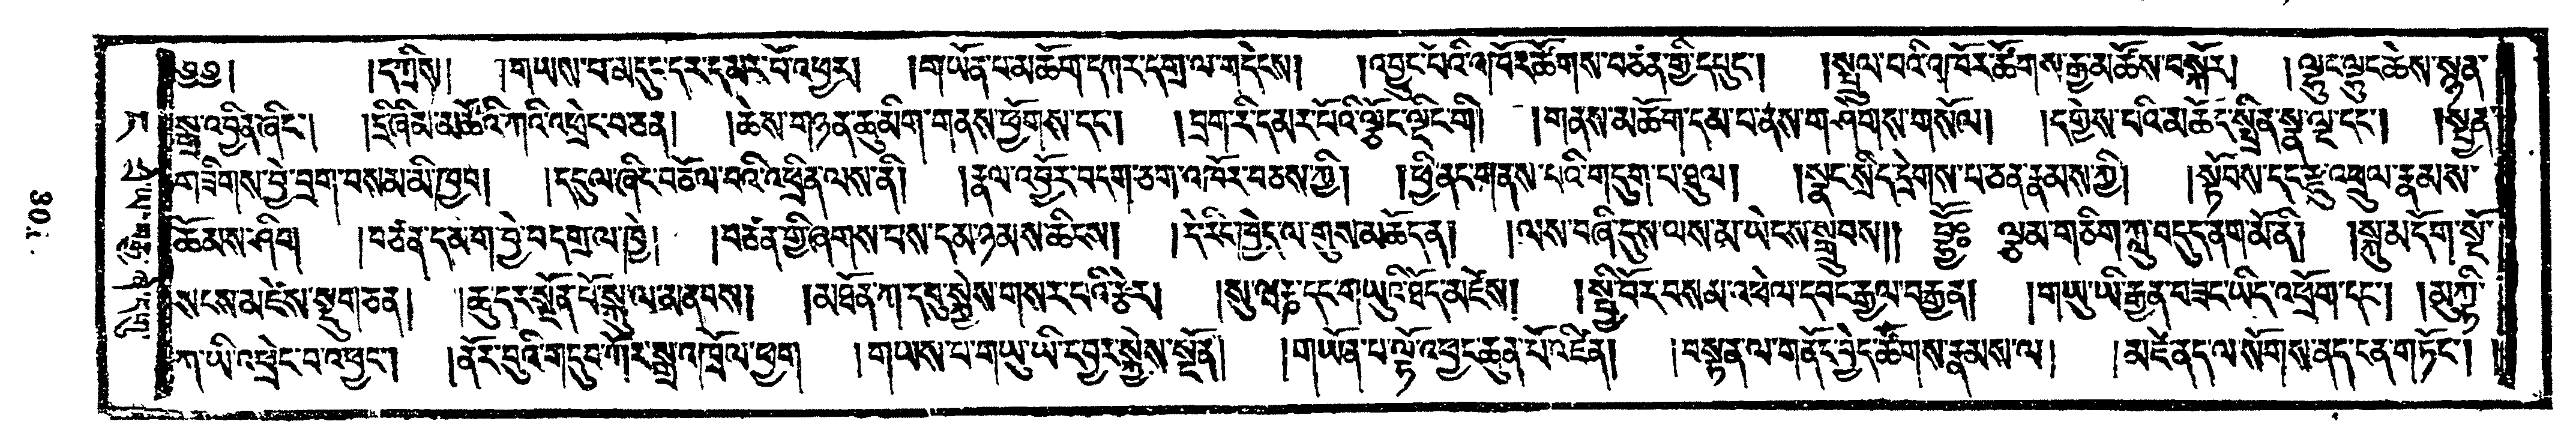༄༅། །དཀྲིས། །གཡས་པ་མདུང་དར་དམར་པོ་འཕྱར། །གཡོན་པ་མཆོག་དཀར་དགྲ་ལ་གདེངས། །འབྱུང་པོའི་འཁོར་ཚོགས་བཙན་གྱི་དཔུང་། །སྤྲུལ་པའི་འཁོར་ཚོགས་རྒྱ་མཚོས་བསྐོར། །ལྷུང་ལྷུང་ཆེས་སྙན་
སྒྲ་འབྱིན་ཞིང་། །དྲི་ཞིམ་མཚོའི་ཀའི་འཕྲེང་བ་ཅན། །ཆེས་གཉན་ཆུ་མིག་གནས་ཕྱོགས་དང་། །བྲག་རི་དམར་པོའི་ལྕོང་ལྡིང་གི། །གནས་མཆོག་དམ་པ་ནས་གཤེགས་གསོལ། །དགྱེས་པའི་མཆོད་སྤྲིན་སྣ་ལྔ་དང་། །སྤྱན་
གཟིགས་བྱེ་བྲག་བསམ་མི་ཁྱབ། །དངུལ་ཞིང་བཅོལ་བའི་འཕྲིན་ལས་ནི། །རྣལ་འབྱོར་བདག་ཅག་འཁོར་བཅས་ཀྱི། །ཕྱི་ནང་གནས་པའི་གདུག་པ་ཐུལ། །སྣང་སྲིད་དྲེགས་པ་ཅན་རྣམས་ཀྱི། །སྟོབས་དང་རྫུ་འཕྲུལ་རྣམས་
ཆོམས་ཤིབ། །བཙན་དམག་བྱེ་བ་དགྲ་ལ་ཁྱེ། །བཙན་གྱི་ཞགས་པས་དམ་ཉམས་ཆིངས། །དེ་རིང་ཁྱེད་ལ་གུས་མཆོད་ན། །ལས་བཞི་དུས་ལས་མ་ཡེངས་སྒྲུབས།། བྷྱཽཿ ལྕམ་གཅིག་ཀླུ་བདུད་ནག་མོ་ནི། །སྐུ་མདོག་སྔོ་
སངས་མཛེས་སྡུག་ཅན། །ཆུ་དར་སྔོན་པོ་སྐུ་ལ་མནབས། །མཐོན་ཀ་དབུ་སྐྱེས་གསར་པའི་རྩེར། །སུ་ཝརྞ་དང་གཡུའི་ཐོད་མཛེས། །སྤྱི་བོར་བསམ་འཕེལ་དབང་རྒྱལ་བརྒྱན། །གཡུ་ཡི་རྒྱན་བཟང་ཡིད་འཕྲོག་དང་། །མུཀྟི་
ཀ་ཡི་འཕྲེང་བ་འཕྱང་། །ནོར་བུའི་གདུབ་ཀོར་སྒྲ་འཁྲོལ་ཕྱག །གཡས་པ་གཡུ་ཡི་དབྱར་སྐྱེས་སྔོན། །གཡོན་པ་ལྷོ་འཕྱང་ཆུན་པོ་འཛིན། །བསྟན་ལ་གནོད་བྱེད་ཚོགས་རྣམས་ལ། །མཛེ་ནད་ལ་སོགས་ནད་ངན་གཏོང་། །